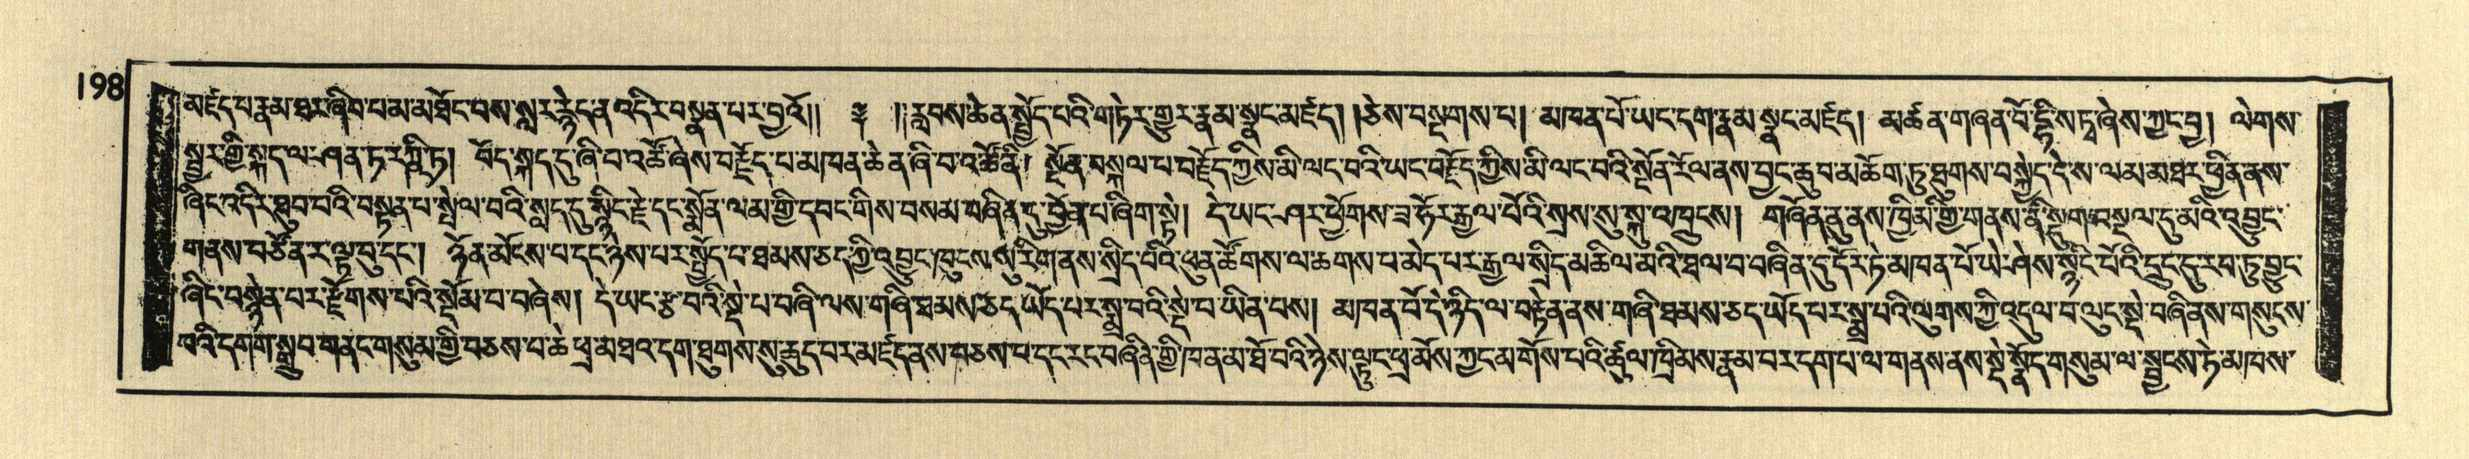མཛད་པ་རྣམ་ཐར་ཞིབ་པ་མ་མཐོང་བས་སླར་རྙེད་ན་འདིར་བསྣན་པར་བྱའོ།། ༈ །།རླབས་ཆེན་སྤྱོད་པའི་གཏེར་གྱུར་རྣམ་སྣང་མཛད། །ཅེས་བསྔགས་པ། མཁན་པོ་ཡང་དག་རྣམ་སྣང་མཛད། མཚན་གཞན་བོ་དྷི་སཏྭ་ཞེས་ཀྱང་བྱ། ལེགས་
སྦྱར་གྱི་སྐད་ལ་ཤན་ཏ་རཀྵི་ཏ། བོད་སྐད་དུ་ཞི་བ་འཚོ་ཞེས་བརྗོད་པ་མཁན་ཆེན་ཞི་བ་འཚོ་ནི། སྔོན་བསྐལ་པ་བརྗོད་ཀྱིས་མི་ལང་བའི་ཡང་བརྗོད་ཀྱིས་མི་ལང་བའི་སྔོན་རོལ་ནས་བྱང་ཆུབ་མཆོག་ཏུ་ཐུགས་བསྐྱེད་དེ་ས་ལམ་མཐར་ཕྱིན་ནས་
ཞིང་འདིར་ཐུབ་པའི་བསྟན་པ་སྤེལ་བའི་སླད་དུ་སྙིང་རྗེ་དང་སྨོན་ལམ་གྱི་དབང་གིས་བསམ་བཞིན་དུ་བྱོན་པ་ཞིག་སྟེ། དེ་ཡང་ཤར་ཕྱོགས་ཟ་ཧོར་རྒྱལ་པོའི་སྲས་སུ་སྐུ་འཁྲུངས། གཞོན་ནུ་ནས་ཁྱིམ་གྱི་གནས་ནི་སྡུག་བསྔལ་དུ་མའི་འབྱུང་
གནས་བཙོན་ར་ལྟ་བུ་དང་། ཉོན་མོངས་པ་དང་ཉེས་པར་སྤྱོད་པ་ཐམས་ཅད་ཀྱི་འབྱུང་ཁུངས་སུ་རིག་ནས་སྲིད་པའི་ཕུན་ཚོགས་ལ་ཆགས་པ་མེད་པར་རྒྱལ་སྲིད་མཆིལ་མའི་ཐལ་བ་བཞིན་དུ་དོར་ཏེ་མཁན་པོ་ཡེ་ཤེས་སྙིང་པོའི་དྲུང་དུ་རབ་ཏུ་བྱུང་
ཞིང་བསྙེན་པར་རྫོགས་པའི་སྡོམ་པ་བཞེས། དེ་ཡང་རྩ་བའི་སྡེ་པ་བཞི་ལས་གཞི་ཐམས་ཅད་ཡོད་པར་སྨྲ་བའི་སྡེ་པ་ཡིན་པས། མཁན་བོ་དེ་ཉིད་ལ་བརྟེན་ནས་གཞི་ཐམས་ཅད་ཡོད་པར་སྨྲ་བའི་ལུགས་ཀྱི་འདུལ་བ་ལུང་སྡེ་བཞི་ནས་གསུངས་
བའི་དགག་སྒྲུབ་གནང་གསུམ་གྱི་བཅས་པ་ཆེ་ཕྲ་མཐའ་དག་ཐུགས་སུ་ཆུད་པར་མཛད་ནས་བཅས་པ་དང་རང་བཞིན་གྱི་ཁ་ན་མ་ཐོ་བའི་ཉེས་ལྟུང་ཕྲ་མོས་ཀྱང་མགོས་པའི་ཚུལ་ཁྲིམས་རྣམ་པར་དག་པ་ལ་གནས་ནས་སྡེ་སྣོད་གསུམ་ལ་སྦྱངས་ཏེ་མཁས་